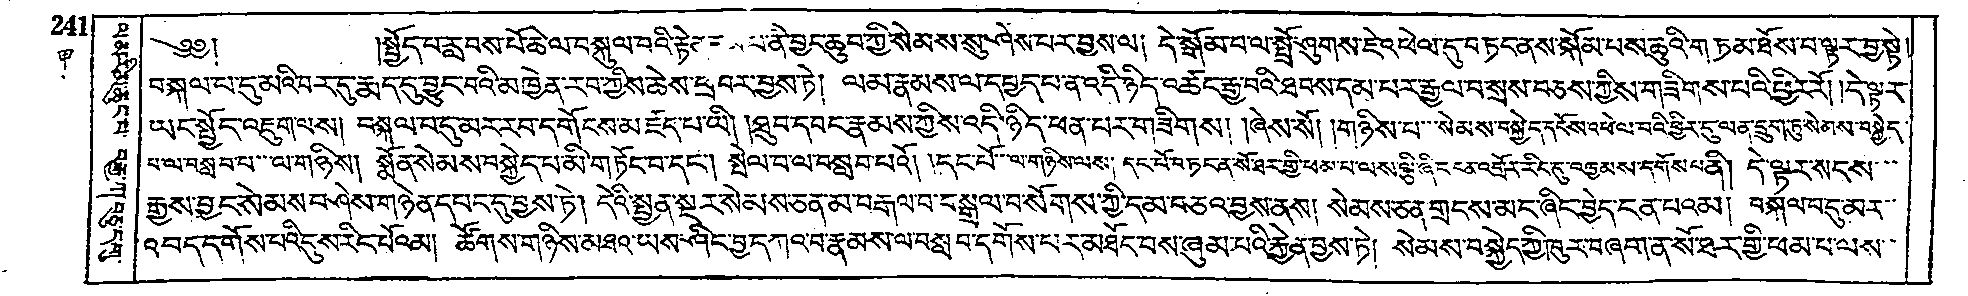༄༅། །སྤྱོད་པ་རླབས་པོ་ཆེ་ལ་བསྐུལ་བའི་རྟེན་བསླབ་?་པ་ནི་བྱང་ཆུབ་ཀྱི་སེམས་སུ་ཤེས་པར་བྱས་ལ། དེ་སྒོམ་པ་ལ་སྤྲོ་ཤུགས་ཇེ་འཕེལ་དུ་བཏང་ནས་སྐོམ་པས་ཆུའི་གཏམ་ཐོས་པ་ལྟར་བྱ་སྟེ། བྱ་སྟེ།
བསྐལ་པ་དུ་མའི་བར་དུ་རྨད་དུ་བྱུང་བའི་མཁྱེན་བསྐལ་པ་དུ་མའི་བར་དུ་རྨད་དུ་བྱུང་བའི་མཁྱེན་རབ་ཀྱིས་ཆེས་ཕྲ་བར་བྱས་ཏེ། ལམ་རྣམས་ལ་དཔྱད་པ་ན་འདི་ཉིད་འཚང་རྒྱ་བའི་ཐབས་དམ་པར་རྒྱལ་བ་སྲས་བཅས་ཀྱིས་གཟིགས་པའི་ཕྱིར་རོ། །དེ་ལྟར་
ཡང་སྤྱོད་འཇུག་ལས། བསྐལ་པ་དུ་མར་རབ་དགོངས་མཛད་པ་ཡི། །ཐུབ་དབང་རྣམས་ཀྱིས་འདི་ཉིད་ཕན་པར་གཟིགས། །ཞེས་སོ། །གཉིས་པསེམས་བསྐྱེད་དངོས་འཕེལ་བའི་ཕྱིར་དུ་ལན་དྲུག་ཏུ་སེམས་བསྐྱེད་
པ་ལ་བསླབ་པལ་གཉིས། སྨོན་སེམས་བསྐྱེད་པ་མི་གཏོང་བ་དང་། སྤེལ་བ་ལ་བསླབ་པའོ། །དང་པོལ་གཉིས་ལས། དང་པོ་བཏང་ན་སོ་ཐར་གྱི་ཕམ་པ་ལས་ལྕི་ཞིང་ངན་འགྲོར་རིང་དུ་འཁྱམས་དགོས་པནི། དེ་ལྟར་སངས་
རྒྱས་བྱང་སེམས་བཤེས་གཉེན་དཔང་དུ་བྱས་ཏེ། དེའི་སྤྱན་སྔར་སེམས་ཅན་མ་བརྒལ་བ་བསྒྲལ་བ་སོགས་ཀྱི་དམ་བཅའ་བྱས་ནས། སེམས་ཅན་གྲངས་མང་ཞིང་བྱེད་ངན་པའམ། བསྐལ་པ་དུ་མར་
འབད་དགོས་པའི་དུས་རིང་པོའམ། ཚོགས་གཉིས་མཐའ་ཡས་ཤིང་བྱ་དཀའ་བ་རྣམས་ལ་བསླབ་དགོས་པར་མཐོང་བས་ཞུམ་པའི་རྐྱེན་བྱས་ཏེ། སེམས་བསྐྱེད་ཀྱི་ཁུར་བཞག་ན་སོ་ཐར་གྱི་ཕམ་པ་ལས་